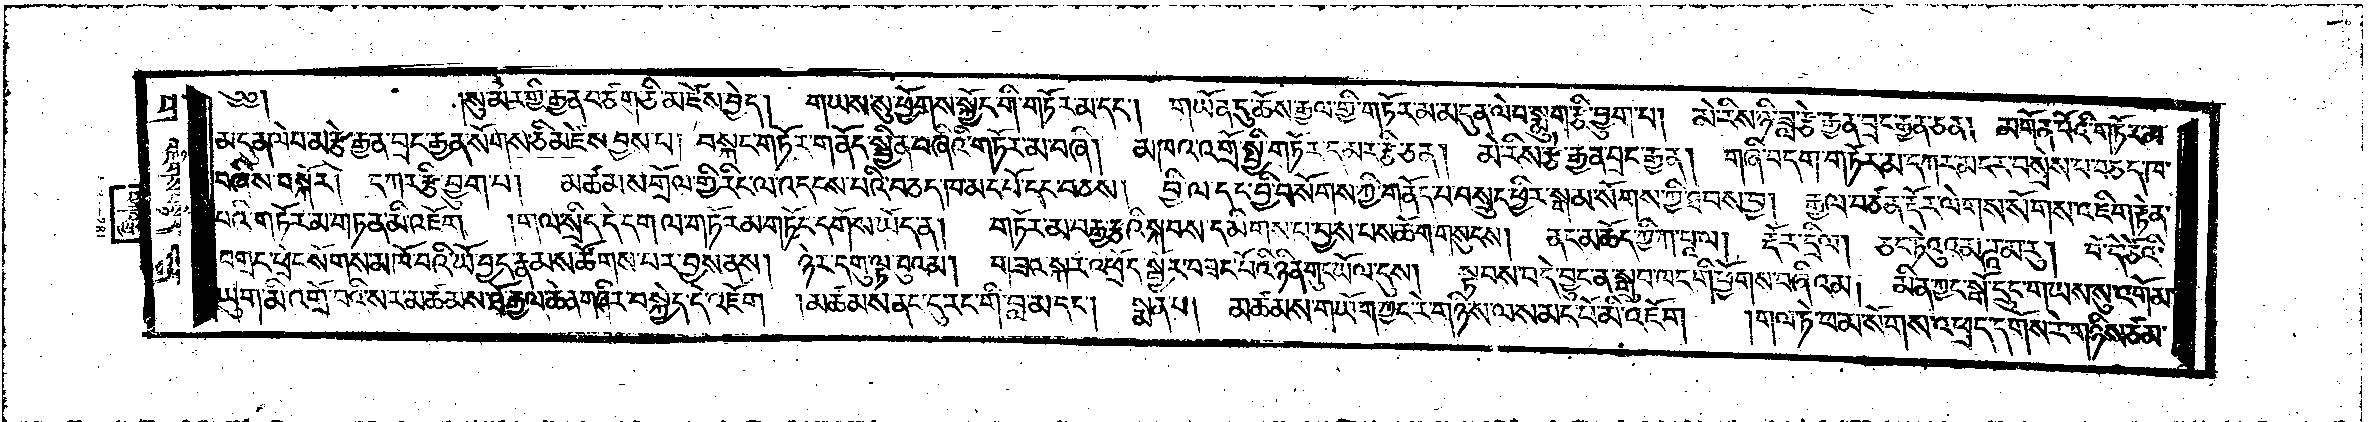༄༅། །སུ་མར་གྱི་རྒྱན་བཙག་ཅི་མཛེས་བྱེད། གཡས་སུ་ཕྱོགས་སྐྱོང་གི་གཏོར་མ་དང་། གཡོན་དུ་ཆོས་རྒྱལ་གྱི་གཏོར་མ་མདུན་ལེབ་སྨུག་རྩི་བྱུག་པ། མེ་རིས་ཉི་ཟླ་རྩེ་རྒྱན་བྲང་རྒྱན་ཅན། མགོན་པོའི་གཏོར་མ་
མདུན་ལེབ་མ་རྩེ་རྒྱན་བྲང་རྒྱན་སོགས་ཅི་མཛེས་བྱས་པ། བསྐང་གཏོར་གནོད་སྦྱིན་བཞིའི་གཏོར་མ་བཞི། མཁའ་འགྲོ་སྤྱི་གཏོར་དམར་རྩི་ཅན། མེ་རིས་རྩེ་རྒྱན་བྲང་རྒྱན། གཞི་བདག་གཏོར་མ་དཀར་མངར་བསྲེས་པ་བཅད་ཁ་
བཞིས་བསྐོར། དཀར་རྩི་བྱུག་པ། མཚམས་གྲོལ་གྱི་རིང་ལ་འདངས་པའི་བཅད་ཁ་མང་པོ་དང་བཅས། བྱི་ལ་དང་བྱི་བ་སོགས་ཀྱི་གནོད་པ་བསྲུང་ཕྱིར་སྒམ་སོགས་ཀྱི་ཐབས་བྱ། རྒྱལ་བཙན་རྡོར་ལེགས་སོགས་འཇིག་རྟེན་
པའི་གཏོར་མ་གཏན་མི་འཇོག །གལ་སྲིད་དེ་དག་ལ་གཏོར་མ་གཏོང་དགོས་ཡོད་ན། གཏོར་མ་བརྒྱ་རྩའི་སྐབས་དམིགས་པ་བྱས་པས་ཆོག་གསུངས། ནང་མཆོད་ཀྱི་ཀ་པཱ་ལ། རྡོར་དྲིལ། ཅང་ཏེའུའམ་ཌཱ་མ་རུ། བོ་དེ་ཅོའི་
བགྲང་ཕྲེང་སོགས་མཁོ་བའི་ཡོ་བྱད་རྣམས་ཚོགས་པར་བྱས་ནས། ཉེར་དགུ་ལྟ་བུའམ། གཟའ་སྐར་འཕྲོད་སྦྱོར་བཟང་པོའི་ཉིན་གུང་ཡོལ་དུས། སྟབས་བདེ་བྱུང་ན་སྒྲུབ་ཁང་གི་ཕྱོགས་བཞིའམ༑ མིན་ཀྱང་སྒོ་དྲུང་གཡས་སུ་འགོ་མ་
ཡུག་མི་འགྲོ་བའི་སར་མཚམས་ཐོ་རྒྱལ་ཆེན་གཞིར་བསྐྱེད་དེ་འཇོག །མཚམས་ནང་དུ་རང་གི་བླ་མ་དང་། སྨན་པ། མཚམས་གཡོག་ཀྱང་རེ་གཉིས་ལས་མང་པོ་མི་འཇོག །གལ་ཏེ་ཕ་མ་སོགས་འཕྲད་དགོས་རེ་གཉིས་ཙམ་